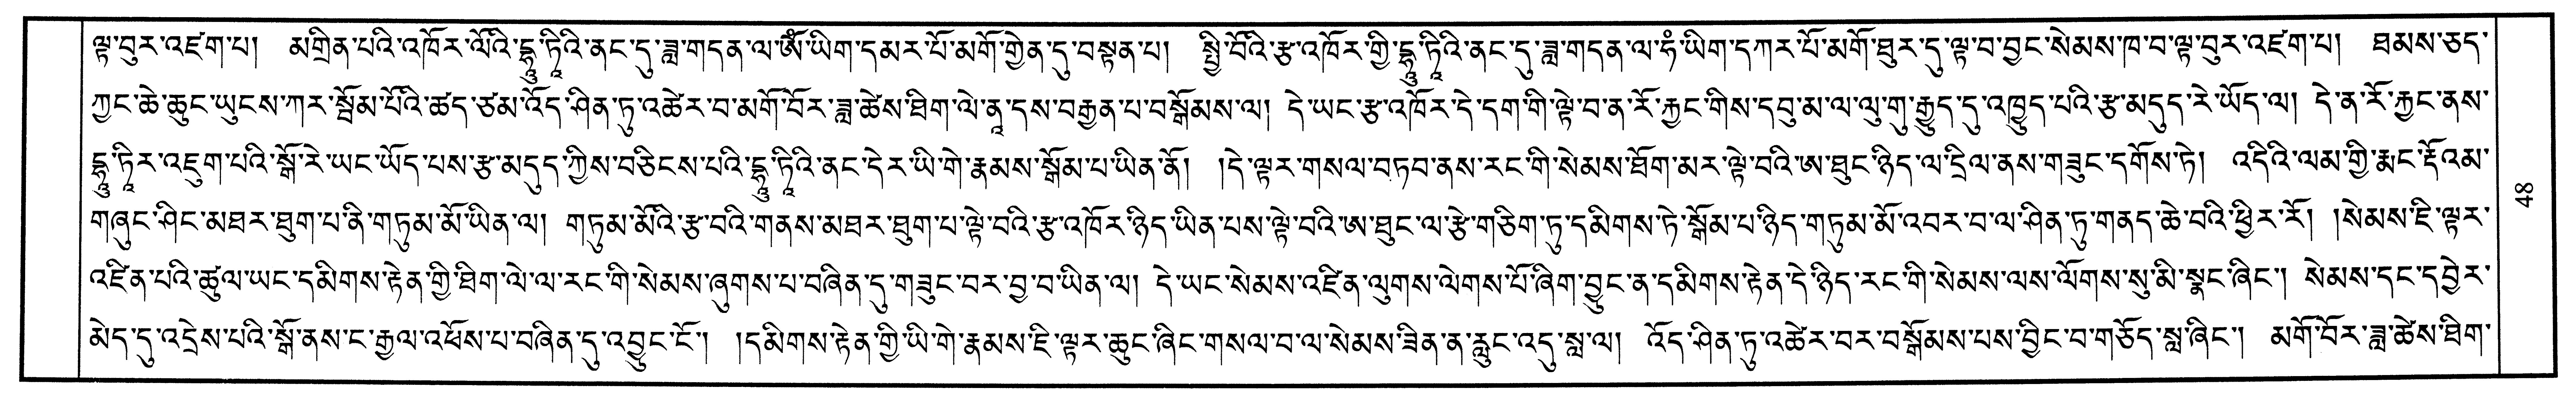ལྟ་བུར་འཛག་པ། མགྲིན་པའི་འཁོར་ལོའི་དྷཱུ་ཏཱིའི་ནང་དུ་ཟླ་གདན་ལ་ཨོཾ་ཡིག་དམར་པོ་མགོ་གྱེན་དུ་བསྟན་པ། སྤྱི་བོའི་རྩ་འཁོར་གྱི་དྷཱུ་ཏཱིའི་ནང་དུ་ཟླ་གདན་ལ་ཧཾ་ཡིག་དཀར་པོ་མགོ་ཐུར་དུ་ལྟ་བ་བྱང་སེམས་ཁ་བ་ལྟ་བུར་འཛག་པ། ཐམས་ཅད་
ཀྱང་ཆེ་ཆུང་ཡུངས་ཀར་སྦོམ་པོའི་ཚད་ཙམ་འོད་ཤིན་ཏུ་འཚེར་བ་མགོ་བོར་ཟླ་ཚེས་ཐིག་ལེ་ནཱ་དས་བརྒྱན་པ་བསྒོམས་ལ། དེ་ཡང་རྩ་འཁོར་དེ་དག་གི་ལྟེ་བ་ན་རོ་རྐྱང་གིས་དབུ་མ་ལ་ལུ་གུ་རྒྱུད་དུ་འཁྱུད་པའི་རྩ་མདུད་རེ་ཡོད་ལ། དེ་ན་རོ་རྐྱང་ནས་
དྷཱ་ཏཱིར་འཇུག་པའི་སྒོ་རེ་ཡང་ཡོད་པས་རྩ་མདུད་ཀྱིས་བཅིངས་པའི་དྷཱ་ཏཱིའི་ནང་དེར་ཡི་གེ་རྣམས་སྒོམ་པ་ཡིན་ནོ། །དེ་ལྟར་གསལ་བཏབ་ནས་རང་གི་སེམས་ཐོག་མར་ལྟེ་བའི་ཨ་ཐུང་ཉིད་ལ་དྲིལ་ནས་གཟུང་དགོས་ཏེ། འདིའི་ལམ་གྱི་རྨང་རྡོའམ་
གཞུང་ཤིང་མཐར་ཐུག་པ་ནི་གཏུམ་མོ་ཡིན་ལ། གཏུམ་མོའི་རྩ་བའི་གནས་མཐར་ཐུག་པ་ལྟེ་བའི་རྩ་འཁོར་ཉིད་ཡིན་པས་ལྟེ་བའི་ཨ་ཐུང་ལ་རྩེ་གཅིག་ཏུ་དམིགས་ཏེ་སྒོམ་པ་ཉིད་གཏུམ་མོ་འབར་བ་ལ་ཤིན་ཏུ་གནད་ཆེ་བའི་ཕྱིར་རོ། །སེམས་ཇི་ལྟར་
འཛིན་པའི་ཚུལ་ཡང་དམིགས་རྟེན་གྱི་ཐིག་ལེ་ལ་རང་གི་སེམས་ཞུགས་པ་བཞིན་དུ་གཟུང་བར་བྱ་བ་ཡིན་ལ། དེ་ཡང་སེམས་འཛིན་ལུགས་ལེགས་པོ་ཞིག་བྱུང་ན་དམིགས་རྟེན་དེ་ཉིད་རང་གི་སེམས་ལས་ལོགས་སུ་མི་སྣང་ཞིང་། སེམས་དང་དབྱེར་
མེད་དུ་འདྲེས་པའི་སྒོ་ནས་ང་རྒྱལ་འཕོས་པ་བཞིན་དུ་འབྱུང་ངོ། །དམིགས་རྟེན་གྱི་ཡི་གེ་རྣམས་ཇི་ལྟར་ཆུང་ཞིང་གསལ་བ་ལ་སེམས་ཟིན་ན་རླུང་འདུ་སླ་ལ། འོད་ཤིན་ཏུ་འཚེར་བར་བསྒོམས་པས་བྱིང་བ་གཅོད་སླ་ཞིང་། མགོ་བོར་ཟླ་ཚེས་ཐིག་